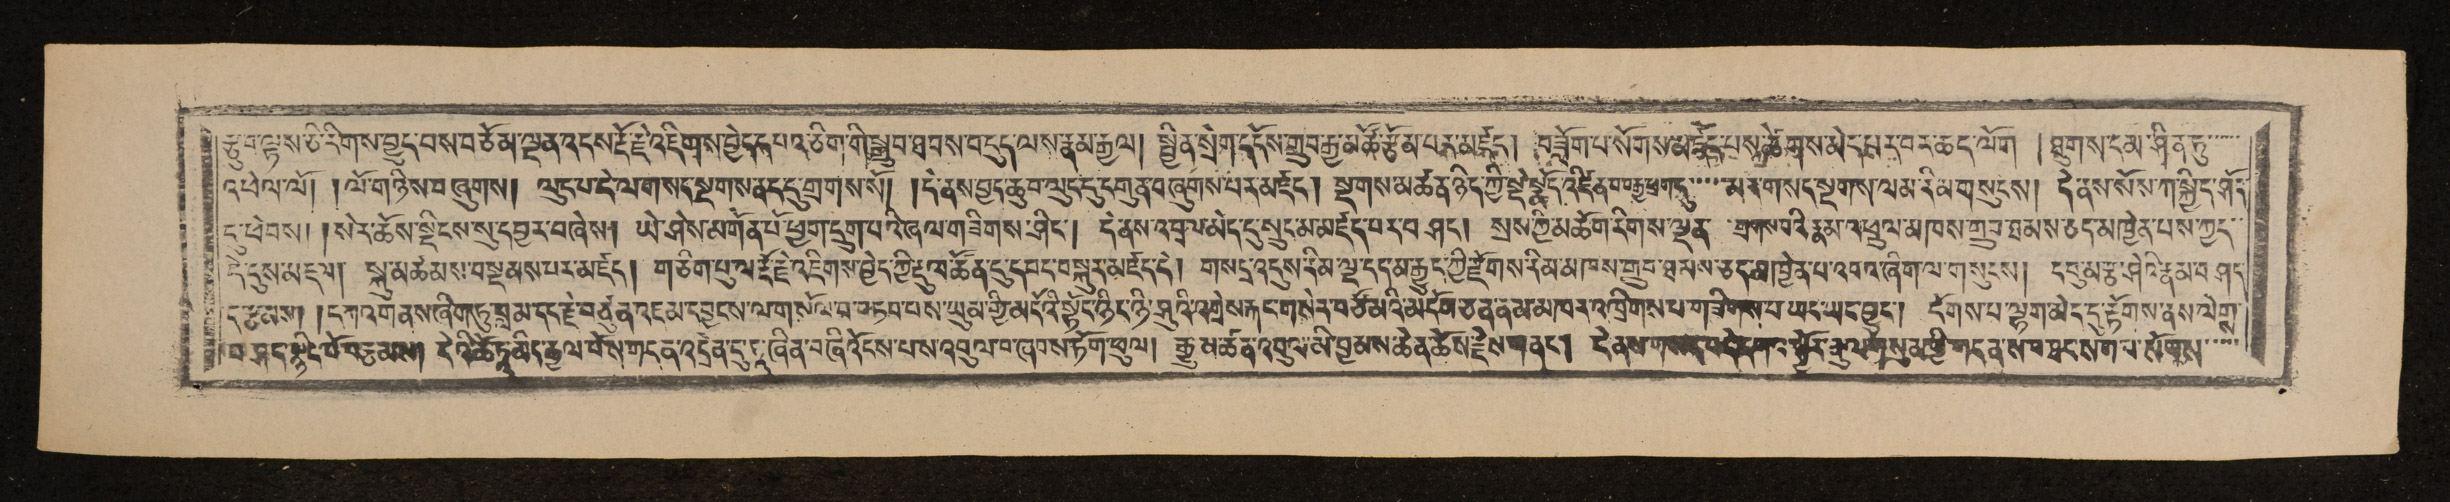རྩུབ་ལྟས་ཅི་རིགས་བྱུང་བས་བཅོམ་ལྡན་འདས་རྡོ་རྗེ་འཇིགས་བྱེད་དཔའ་ཅིག་གི་སྒྲུབ་ཐབས་བདུད་ལས་རྣམ་རྒྱལ། སྦྱིན་སྲེག་དངོས་གྲུབ་རྒྱ་མཚོ་རྩོམ་པར་མཛད། བཟློག་པ་སོགས་མཛད་པས་ཚེགས་མེད་པར་བར་ཆད་ལོག། ཐུགས་དམ་ཤིན་ཏུ་
འཕེལ་ལོ། །ལོ་གཉིས་བཞུགས། ལུང་པ་དེ་ལ་གསང་སྔགས་ནང་དུ་གྲགས་སོ། །དེ་ནས་བྱང་ཆུབ་ལུང་དུ་དགུན་བཞུགས་པར་མཛད། སྔགས་མཚན་ཉིད་ཀྱི་སྡེ་སྣོད་འཛིན་པ་བརྒྱ་ཕྲག་དུ་མར་གསང་སྔགས་ལམ་རིམ་གསུངས། དེ་ནས་སོས་ཀ་སྐྱིད་ཤོད་
དུ་ཕེབས། སེ་ར་ཆོས་སྡིངས་སུ་དབྱར་བཞེས། ཡེ་ཤེས་མགོན་པོ་ཕྱག་དྲུག་པའི་ཞལ་གཟིགས་ཤིང་། དེ་ནས་འབྲལ་མེད་དུ་སྲུང་མ་མཛད་པར་བཤད། སྲས་ཀྱི་མཆོག་རིགས་ལྡན་གྲགས་པའི་རྣམ་འཕྲུལ་མཁས་གྲུབ་ཐམས་ཅད་མཁྱེན་པས་ཀྱང་
དེ་དུས་མཇལ། སྐུ་མཚམས་བསྡམས་པར་མཛད། གཅིག་པུ་ལ་རྡོ་རྗེ་འཇིགས་བྱེད་ཀྱི་རྡུལ་ཚོན་དུ་དབང་བསྐུར་མཛད་དེ། གསང་འདུས་རིམ་ལྔ་དང་མ་རྒྱུད་ཀྱི་རྫོགས་རིམ་མཁས་གྲུབ་ཐམས་ཅད་མཁྱེན་པ་འབའ་ཞིག་ལ་གསུངས། དབུ་མ་རྩ་ཤེའི་རྣམ་བཤད་
བརྩམས། དཀའ་གནས་ཞིག་ཏུ་བླ་མ་དང་རྗེ་བཙུན་འཇམ་དབྱངས་ལ་གསོལ་པ་བཏབ་པས་ཡུམ་གྱི་མདོའི་སྟོང་ཉིད་ཉི་ཤུའི་འགྲེས་རྐང་གསེར་བཙོ་མའི་མདོག་ཅན་ནམ་མཁར་འཁྲིགས་པ་གཟིགས་པ་ཡང་ཡང་བྱུང་། དོགས་པ་ལྷག་མེད་དུ་རྟོགས་ནས་ལེགས་
བཤད་སྙིང་པོ་བརྩམས། དེའི་ཚེ་ཏཱ་མིང་རྒྱལ་པོས་གདན་འདྲེན་དུ་ཏཱ་ཞིན་བཞི་འོངས་པས་འབུལ་བ་ཞབས་ཏོག་ཕུལ། རྒྱུ་མཚན་འབུལ་མི་བྱམས་ཆེན་ཆོས་རྗེས་གནང་། དེ་ནས་གསང་བདེ་དགའ་སྐྱོར་ཟུལ་གསུམ་གྱི་གདན་ས་བ་ཐང་སག་པ་སོགས་